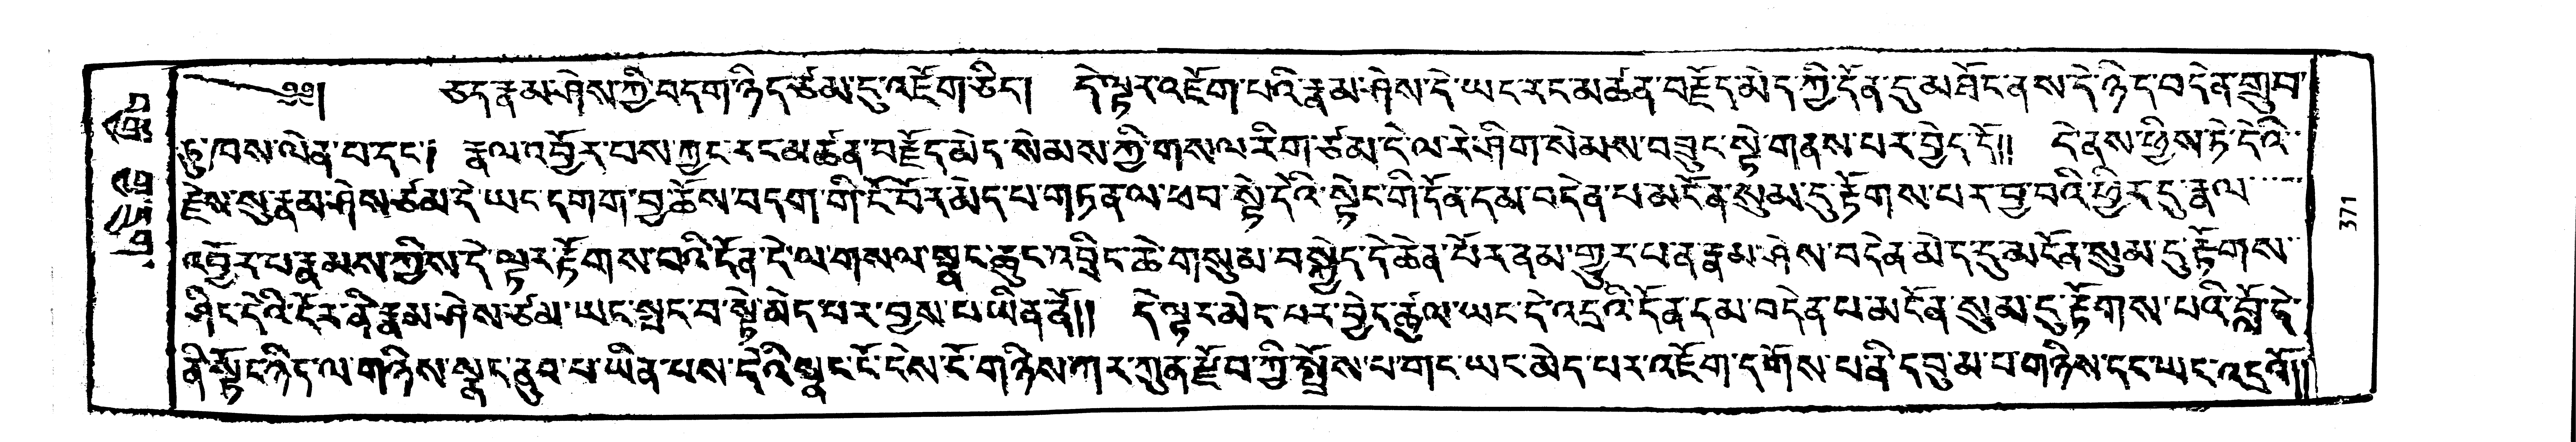༄༅། །ཅད་རྣམ་ཤེས་ཀྱི་བདག་ཉིད་ཙམ་དུ་འཇོག་ཅིང་། དེ་ལྟར་འཇོག་པའི་རྣམ་ཤེས་དེ་ཡང་རང་མཚན་བརྗོད་མེད་ཀྱི་དོན་དུ་མཐོང་ནས་དེ་ཉིད་བདེན་གྲུབ་
ཏུ་ཁས་ལེན་པ་དང་། རྣལ་འབྱོར་པས་ཀྱང་རང་མཚན་བརྗོད་མེད་སེམས་ཀྱི་གསལ་རིག་ཙམ་དེ་ལ་རེ་ཤིག་སེམས་བཟུང་སྟེ་གནས་པར་བྱེད་དོ། །དེ་ནས་ཕྱིས་ཏེ་དེའི་
རྗེས་སུ་རྣམ་ཤེས་ཙམ་དེ་ཡང་དགག་བྱ་ཆོས་བདག་གི་ངོ་བོར་མེད་པ་གཏན་ལ་ཕབ་སྟེ་དེའི་སྟེང་གི་དོན་དམ་བདེན་པ་མངོན་སུམ་དུ་རྟོགས་པར་བྱ་བའི་ཕྱིར་དུ་རྣལ་
འབྱོར་བ་རྣམས་ཀྱིས་དེ་ལྟར་རྟོགས་པའི་དོན་དེ་ལ་གསལ་སྣང་ཆུང་འབྲིང་ཆེ་གསུམ་བསྐྱེད་དེ་ཆེན་པོར་ནམ་གྱུར་པ་ན་རྣམ་ཤེས་བདེན་མེད་དུ་མངོན་སུམ་དུ་རྟོགས་
ཤིང་དེའི་ངོར་ནི་རྣམ་ཤེས་ཙམ་ཡང་སྤང་བ་སྟེ་མེད་པར་བྱས་པ་ཡིན་ནོ། །དེ་ལྟར་མེད་པར་བྱེད་ཚུལ་ཡང་དེ་འདྲའི་དོན་དམ་བདེན་པ་མངོན་སུམ་དུ་རྟོགས་པའི་བློ་དེ་
ནི་སྟོང་ཉིད་ལ་གཉིས་སྣང་ནུབ་པ་ཡིན་པས་དེའི་སྣང་ངོ་ངེས་ངོ་གཉིས་ཀར་ཀུན་རྫོབ་ཀྱི་སྤྲོས་པ་གང་ཡང་མེད་པར་འཇོག་དགོས་པ་ནི་དབུ་མ་པ་གཉིས་དང་ཡང་འདྲའོ། །